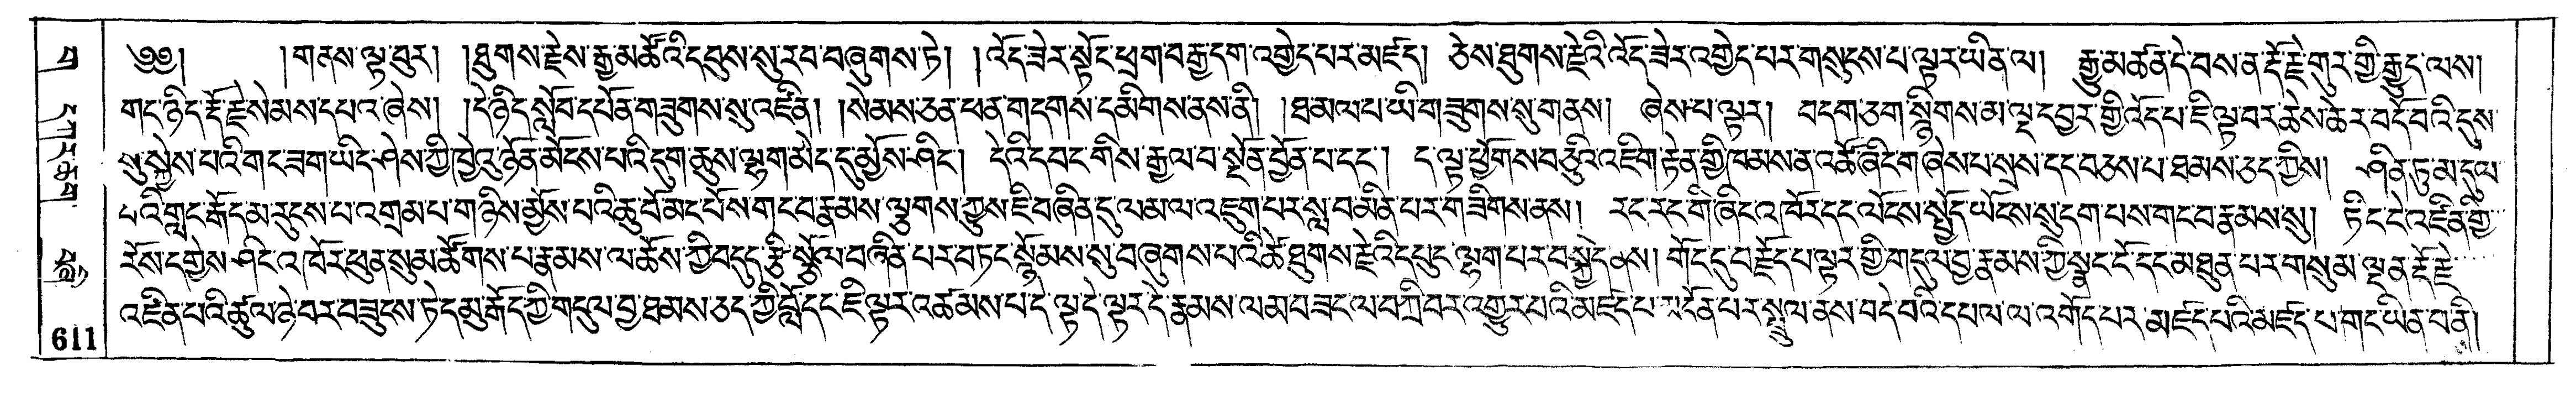༄༅། །གནས་ལྟ་བུར། །ཐུགས་རྗེས་རྒྱ་མཚོའི་དབུས་སུ་རབ་བཞུགས་ཏེ། །འོད་ཟེར་སྟོང་ཕྲག་བརྒྱ་དག་འགྱེད་པར་མཛད། ཅེས་ཐུགས་རྗེའི་འོད་ཟེར་འགྱེད་པར་གསུངས་པ་ལྟར་ཡིན་ལ། རྒྱུ་མཚན་དེ་བས་ན་རྡོ་རྗེ་གུར་གྱི་རྒྱུད་ལས།
གང་ཉིད་རྡོ་རྗེ་སེམས་དབའ་ཞེས། །དེ་ཉིད་སློབ་དཔོན་གཟུགས་སུ་འཛིན། །སེམས་ཅན་ཕན་གདགས་དམིགས་ནས་ནི། །ཐ་མལ་པ་ཡི་གཟུགས་སུ་གནས། ཞེས་པ་ལྟར། བདག་ཅག་སྙིགས་མ་ལྔ་དབྱར་གྱི་འོད་པ་ཇི་ལྟ་བར་ཆེས་ཆེ་ར་བདོ་བའི་དུས་
སུ་སྐྱེས་པའི་གང་ཟག་ཡིད་ཤེས་ཀྱི་ཁྱེའུ་ཉོན་མོངས་པའི་དུག་ཆུས་ལྷག་མེད་དུ་མྱོས་ཤིང་། དེའི་དབང་གིས་རྒྱལ་བ་སྔོན་བྱོན་པ་དང་། ད་ལྟ་ཕྱོགས་བཅུའི་འཇིག་རྟེན་གྱི་ཁམས་ན་འཚོ་ཞིང་གཞེས་པ་སྲས་དང་བཅས་པ་ཐམས་ཅད་ཀྱིས། ཤིན་ཏུ་མ་དུལ་
བའི་གླང་རྒོད་མ་རུངས་པ་འགྲམ་པ་གཉིས་མྱོས་པའི་ཆུ་བོ་མང་པོས་གང་བ་རྣམས་ལྕགས་ཀྱུས་ཇི་བཞིན་དུ་ལམ་ལ་འཇུག་པར་སླ་བ་མིན་པར་གཟིགས་ནས། རང་རང་གི་ཞིང་འཁོར་དང་ལོངས་སྤྱོད་ཡོངས་སུ་དག་པས་གང་བ་རྣམས་སུ། ཏིང་ངེ་འཛིན་གྱི་
རོས་དགྱེས་ཤིང་འཁོར་ཕུན་སུམ་ཚོགས་པ་རྣམས་ལ་ཆོས་ཀྱི་བདུང་རྩི་སྩོལ་བཞིན་པར་བཏང་སྙོམས་སུ་བཞུགས་པའི་ཚེ་ཐུགས་རྗེའི་དབུང་ལྷག་པར་བསྐྱེད་ནས། གོང་དུ་བརྗོད་པ་ལྟར་གྱི་གདུལ་བྱ་རྣམས་ཀྱི་སྣང་ངོ་དང་མཐུན་པར་གསུམ་ལྡན་རྡོ་རྗེ་
འཛིན་པའི་ཚུལ་ཉེ་བར་བཟུངས་ཏེ་དམུ་རྒོད་ཀྱི་གདུལ་བྱ་ཐམས་ཅད་ཀྱི་བློ་དང་ཇི་ལྟར་འཚམས་པ་དེ་ལྟ་དེ་ལྟར་དེ་རྣམས་ལམ་བཟང་ལ་བཀྲི་བར་འགྱུར་བའི་མཛད་བ་མངོན་བར་སྤྲུལ་ནས་བདེ་བའི་དབལ་ལ་འགོད་བར་མཛད་བའི་མཛད་བ་གང་ཡིན་བ་ནི།